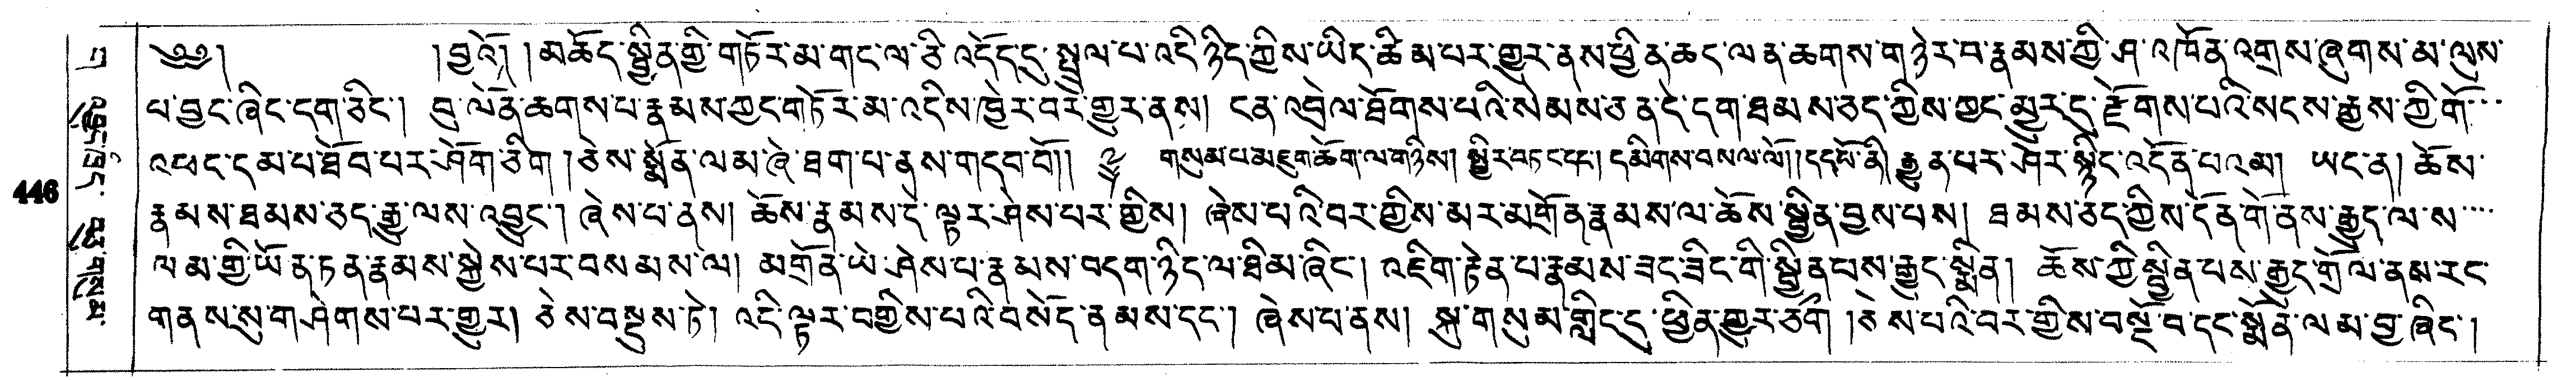༄༅། །བྱའོ། །མཆོད་སྦྱིན་གྱི་གཏོར་མ་གང་ལ་ཅི་འདོད་དུ་སྤྲུལ་པ་འདི་ཉིད་ཀྱིས་ཡིད་ཚིམ་པར་གྱུར་ནས་ཕྱིན་ཆད་ལན་ཆགས་གཉེར་བ་རྣམས་ཀྱི་ཤ་འཁོན་འགྲས་ཞུགས་མ་ལུས་
པ་བྱང་ཞིང་དག་ཅིང་། བུ་ལོན་ཆགས་པ་རྣམས་ཀྱང་གཏོར་མ་འདིས་ཁྱེར་བར་གྱུར་ནས། ངན་འབྲེལ་ཐོགས་པའི་སེམས་ཅན་དེ་དག་ཐམས་ཅད་ཀྱིས་ཀྱང་མྱུར་དུ་རྫོགས་པའི་སངས་རྒྱས་ཀྱི་གོ་
འཕང་དམ་པ་ཐོབ་པར་ཤོག་ཅིག །ཅེས་སྨོན་ལམ་ཞེ་ཐག་པ་ནས་གདབ་བོ།། ༈ གསུམ་པ་མཇུག་ཆོག་ལ་གཉིས། སྤྱིར་བཏང་དང་། དམིགས་བསལ་ལོ། །དང་པོ་ནི། རྒྱུན་པར་ཤེར་སྙིང་འདོན་པའམ། ཡང་ན། ཆོས་
རྣམས་ཐམས་ཅད་རྒྱུ་ལས་འབྱུང་། ཞེས་པ་ནས། ཆོས་རྣམས་དེ་ལྟར་ཤེས་པར་གྱིས། ཞེས་པའི་བར་གྱིས་མར་མགྲོན་རྣམས་ལ་ཆོས་སྦྱིན་བྱས་པས། ཐམས་ཅད་ཀྱིས་དོན་གོ་ནས་རྒྱུད་ལ་ས་
ལམ་གྱི་ཡོན་ཏན་རྣམས་སྐྱེས་པར་བསམས་ལ། མགྲོན་ཡེ་ཤེས་པ་རྣམས་བདག་ཉིད་ལ་ཐིམ་ཞིང་། འཇིག་རྟེན་པ་རྣམས་ཟང་ཟིང་གི་སྦྱིན་པས་རྒྱུད་སྨིན། ཆོས་ཀྱི་སྦྱིན་པས་རྒྱུད་གྲོལ་ནས་རང་
གནས་སུ་གཤེགས་པར་གྱུར། ཅེས་བསྡུས་ཏེ། འདི་ལྟར་བགྱིས་པའི་བསོད་ནམས་དང་། ཞེས་པ་ནས། སྐུ་གསུམ་གླིང་དུ་ཕྱིན་གྱུར་ཅིག །ཅེས་པའི་བར་གྱིས་བསྔོ་བ་དང་སྨོན་ལམ་བྱ་ཞིང་།